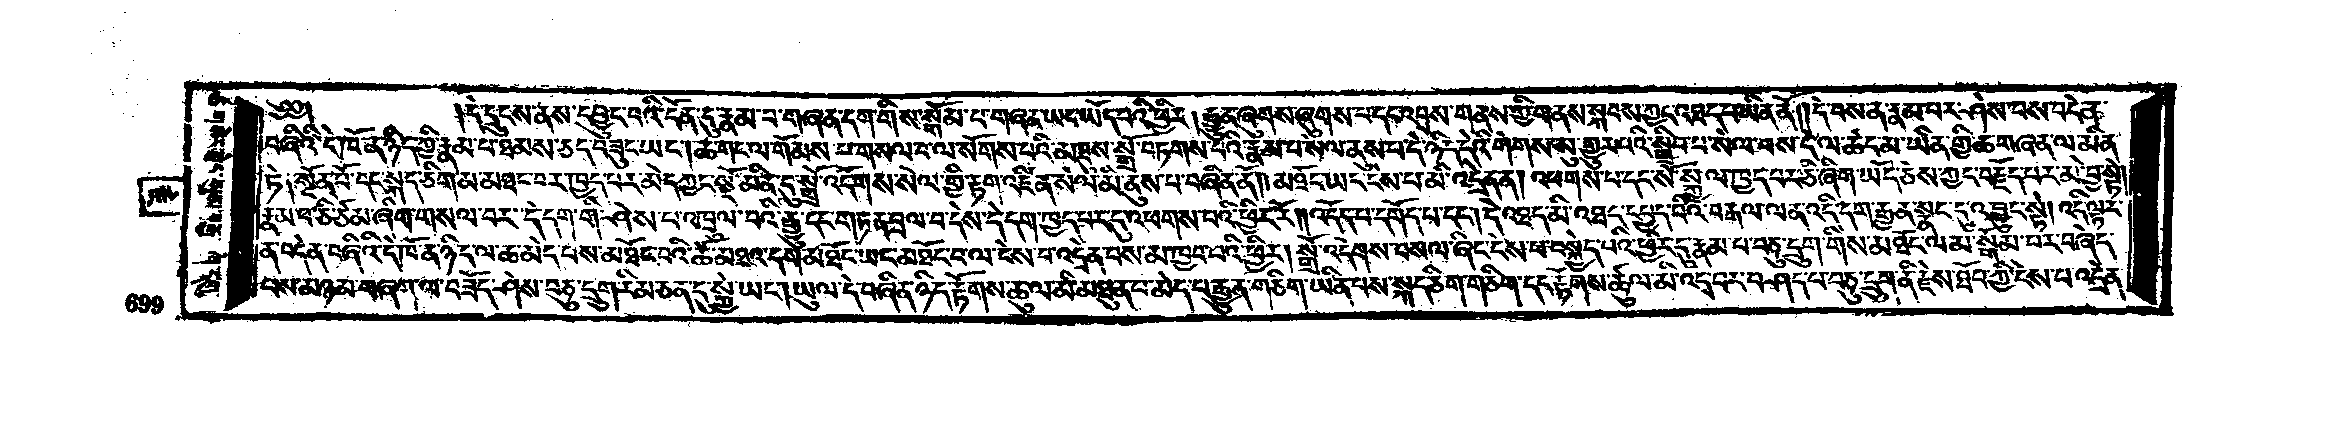༄༅། །དེ་དྲུངས་ནས་འབྱུང་བའི་དོན་དུ་རྣམ་པ་གཞན་དག་གིས་སྒོམ་པ་གཞན་ཡང་ཡོད་པའི་ཕྱིར། རྒྱུན་ཞུགས་ཞུགས་པ་དང་འབྲས་གནས་ཀྱི་གནས་སྐབས་ཀྱང་འཐད་པ་ཡིན་ནོ། །དེ་བས་ན་རྣམ་པར་ཤེས་པས་བདེན་
བཞིའི་དེ་ཁོ་ན་ཉིད་ཀྱི་རྣམ་པ་ཐམས་ཅད་བཟུང་ཡང་། ཆ་གང་ལ་གོམས་པ་གསལ་བ་ལ་སོགས་པའི་མཐུས་སྒྲོ་བཏགས་པའི་རྣམ་པ་སེལ་ནུས་པ་དེ་ཉིད་དེའི་གེགས་སུ་གྱུར་པའི་སྒྲིབ་པ་སེལ་བས་དེ་ལ་ཚད་མ་ཡིན་གྱི་ཆ་གཞན་ལ་མིན་
ཏེ། སྔོན་པོ་དང་སྐད་ཅིག་མ་མཐོང་བར་ཁྱད་པར་མེད་ཀྱང་སྔོ་མིན་དུ་སྒྲོ་འདོགས་སེལ་གྱི་རྟག་འཛིན་སེལ་མི་ནུས་པ་བཞིན་ནོ། །མཐོང་ཡང་ངེས་པ་མི་འདྲེན་ན། འཕགས་པ་དང་སོ་སྐྱེ་ལ་ཁྱད་པར་ཅི་ཞིག་ཡོད་ཅེས་ཀྱང་བརྗོད་པར་མི་བྱ་སྟེ།
རྣམ་པ་ཅི་ཙམ་ཞིག་གསལ་བར་དེ་དག་གི་ཤེས་པ་འཁྲུལ་བའི་རྒྱུ་དང་གཏན་བྲལ་བ་དེས་དེ་དག་ཁྱད་པར་དུ་འཕགས་པའི་ཕྱིར་རོ། །འདོད་པ་དགོད་པ་དང་། དེ་འཐད་མི་འཐད་དཔྱད་པའི་བརྒལ་ལན་འདི་དག་རྒྱན་སྣང་དུ་འབྱུང་སྟེ། འདི་ལྟར་
ན་བདེན་བཞིའི་དེ་ཁོ་ན་ཉིད་ལ་ཆ་མེད་པས་མཐོང་བའི་ཚེ་མཐའ་དག་མཐོང་ཡང་མཐོང་བ་ལ་ངེས་པ་འདྲེན་པས་མ་ཁྱབ་པའི་ཕྱིར། སྒྲོ་འདོགས་བསལ་ཞིང་ངེས་པ་བསྐྱེད་པའི་ཕྱིར་དུ་རྣམ་པ་བཅུ་དྲུག་གིས་མཐོང་ལམ་སྒོམ་པར་བཞེད་
པས་མཉམ་གཞག་ལ་བཟོད་ཤེས་བཅུ་དྲུག་རིམ་ཅན་དུ་སྐྱེ་ཡང་། ཡུལ་དེ་བཞིན་ཉིད་རྟོགས་ཚུལ་མི་མཐུན་པ་མེད་པ་རྒྱུན་གཅིག་ཡིན་པས་སྐད་ཅིག་གཅིག་དང་རྟོགས་ཚུལ་མི་འདྲ་བར་བཤད་པ་བཅུ་དྲུག་ནི་རྗེས་ཐོབ་ཀྱི་ངེས་པ་འདྲེན་